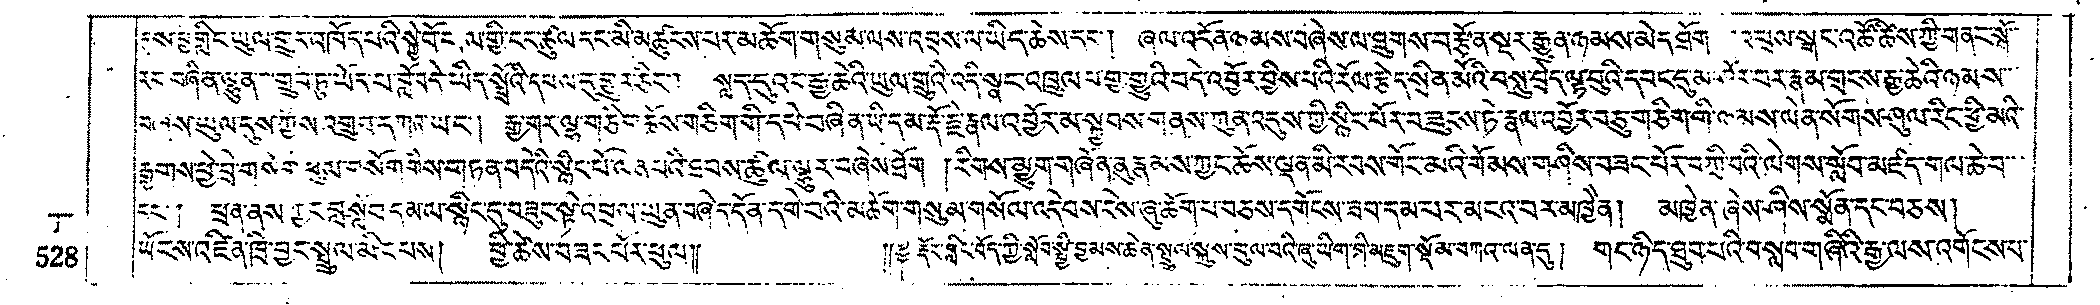དུས་ཕྱི་གླིང་ཡུལ་གྲུར་འཁོད་པའི་སྐྱེ་བོ་ཕལ་གྱི་ངང་ཚུལ་དང་མི་མཚུངས་པར་མཆོག་གསུམ་ལས་འབྲས་ལ་ཡིད་ཆེས་དང་། ཞལ་འདོན་ཉམས་བཞེས་ལ་ཐུགས་བརྩོན་སྔར་རྒྱུན་ཉམས་མེད་ཐོག །འཕྲལ་སྒང་འཚོ་ཚིས་ཀྱི་གནང་སྒོ་་་
རང་བཞིན་ལྷུན་འགྲུབ་ཏུ་ཡོད་པ་བློ་བདེ་ཡིད་སྤྲོའི་དཔལ་དུ་གྱུར་ཅིང་། སླད་དུའང་རྒྱ་ཆེའི་ཡུལ་གྲུའི་འདི་སྣང་འཁྲུལ་པ་གྱ་གྱུའི་བདེ་འབྱོར་བྱིས་པའི་རོལ་རྩེད་སྲིན་མོའི་བསླུ་བྲེད་ལྟ་བུའི་དབང་དུ་མ་ཤོར་བར་རྣམ་གྲངས་རྒྱ་ཆེའི་ཉམྶ་་་
བཞེས་ཡུལ་དུས་ཀྱིས་འགྲུབ་དཀའ་ཡང་། རྒྱ་གར་ལྷ་གཅིག་ཆོས་གཅིག་གི་དཔེ་བཞིན་ཡི་དམ་རྡོ་རྗེ་རྣལ་འབྱོར་མ་སྐྱབས་གནས་ཀུན་འདུས་ཀྱི་སྙིང་པོར་བཟུངས་ཏེ་རྣལ་འབྱོར་བཅུ་གཅིག་གི་ཉམས་ལེན་སོགས་ཤུལ་རིང་ཕྱི་མའི་
རྒྱགས་ཕྱེ་བྲེ་གསོག་ཕུལ་གསོག་གིས་གཏན་བདེའི་སྙིང་པོ་ལོན་པའི་ཐབས་ཚུལ་ལྷུར་བཞེས་ཐོག །རིགས་མྱུག་གཞོན་ནུ་རྣམས་ཀྱང་ཆོས་ལྡན་མི་རབས་གོང་མའི་གོམས་གཤིས་བཟང་པོར་བཀྲི་བའི་ལེགས་སློབ་མཛད་གལ་ཆེ་བ་་་
དང་། ཕྲན་ནས་ཀྱང་བླ་སློབ་དམ་ལ་སྙིང་དུ་བཟུང་སྟེ་འཕྲལ་ཡུན་བཞེད་དོན་དགེ་བའི་མཆོག་གསུམ་གསོལ་འདེབས་ངེས་ཞུ་ཆོག་པ་བཅས་དགོངས་ཟབ་དམ་པར་མངའ་བར་མཁྱཻན། མཁྱེན་ཞེས་ཤིས་སྨོན་དང་བཅས།
ཡོངས་འཛིན་ཁྲི་བྱང་སྤྲུལ་མིང་པས། ཕྱི་ཚེས་བཟང་པོར་ཕུལ།། །། འ་རྡོར་གླིང་བོད་ཀྱི་སློབ་སྤྱི་བྱམས་ཆེན་སྤྲུལ་སྐུས་ཕུལ་བའི་ཞུ་ཡིག་གི་མཇུག་སྡོམ་བཀའ་ལན་དུ།  གང་ཉིད་ཐུབ་པའི་བསླབ་གཞིའི་རྒྱ་ལས་འགོངས་པ་